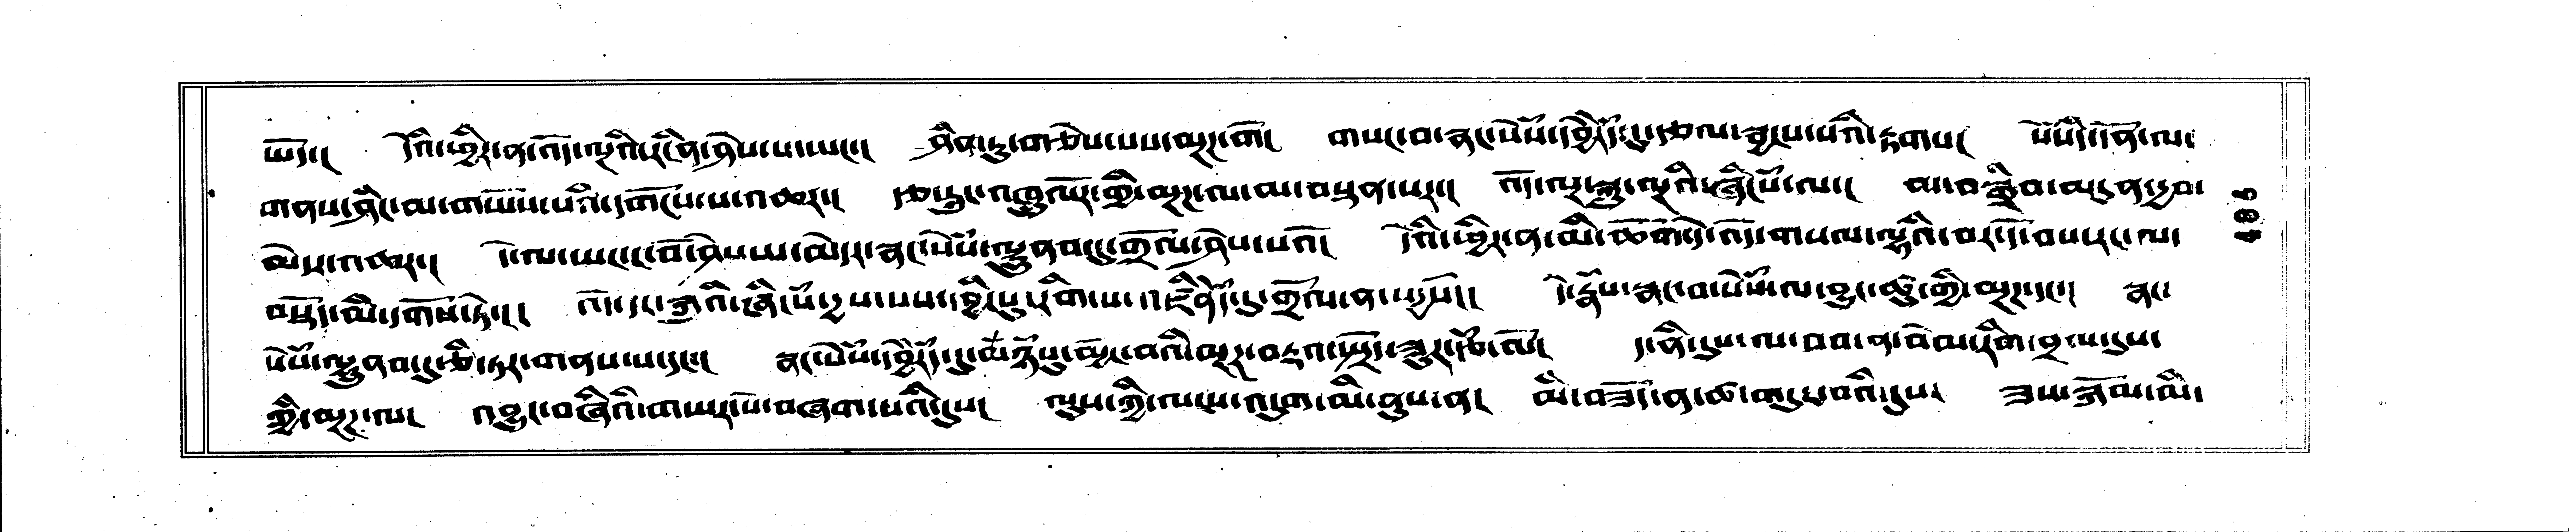ཡོད། དེའི་ཕྱིར་ན་འོད་ལྔའི་རང་བཞིན་ཤེས་པ་ཡང་། ཤིན་ཏུ་གཅེས་པའི་མེན་ངག་གོ གསང་བ་སྣང་སེམས་དབྱེར་མེད་དུ་རྩལ་སྦྱངས་པའི་རྟགས་ལ། སེམས་ཉིད་ཀྱིས་དོན་ལ་
གནས་ཤིང་མི་གཡོ་འི་དགོངས་པ་འཆར། རྩ་རླུང་འཁྲུལ་འཁོར་གྱིས་མེན་ངག་ལ་མ་བརྟེན་པར། འོད་ལྔ་སྐུ་ལྔའི་ཞིང་ཁམས་ལ། མ་སྒྲིབ་མདུན་རྒྱབ་
མེད་པར་འཆར། དེ་ལ་ཡང་ང་འོ་ཞུམ་པ་མེད་པར་སྣང་སེམས་ལྷུན་གྲུབ་དུ་གྲོལ་ཤེས་པའོ། དེའི་ཕྱིར་ན་མི་མཆོག་དེས་འོད་གསལ་ལྷའི་བར་དོ་བེས་རིང་ལ་
སྡོད་མི་དགོས་ཏེ། སྐྱེ་མེད་ཀྱིས་དབྱིངས་སུ་འོད་དང་སྐུའི་ཞིང་ཁམས་སུ་རྒྱས་པའི་དབྱིངས་སུ་རིག་པ་འཛིན་མེད་དུ་གྲོལ་ནས་སངས་རྒྱས་སོ། དེ་རྣམས་སྣང་བ་སེམས་ལ་བྱུང་ཚུལ་གྱིས་མེན་ངག་དང་། སྣང་
སེམས་ལྷུན་གྲུབ་དུ་ཅི་ལྟར་གནས་པ་དང་། སྣང་སེམས་དབྱེར་མེད་དུ་ཉམས་སུ་མྱོང་བའི་མེན་ངག་བརྡའ་སྤྲོད་ཟུར་ཙམ་མོ། ད་ནི་དུས་ལ་བབ་ནས་བེམ་རིག་བྲལ་དུས་
ཀྱིས་མེན་ངག་ལ། འབྱུང་བཞིའི་གཡར་པོ་བཞག་པའི་དུས། ལུས་ཀྱིས་ལང་འདུག་མི་ནུས་ནས། མི་བཟོད་ན་ཚས་གདུང་པའི་དུས། ཟས་སྐོམ་མི་